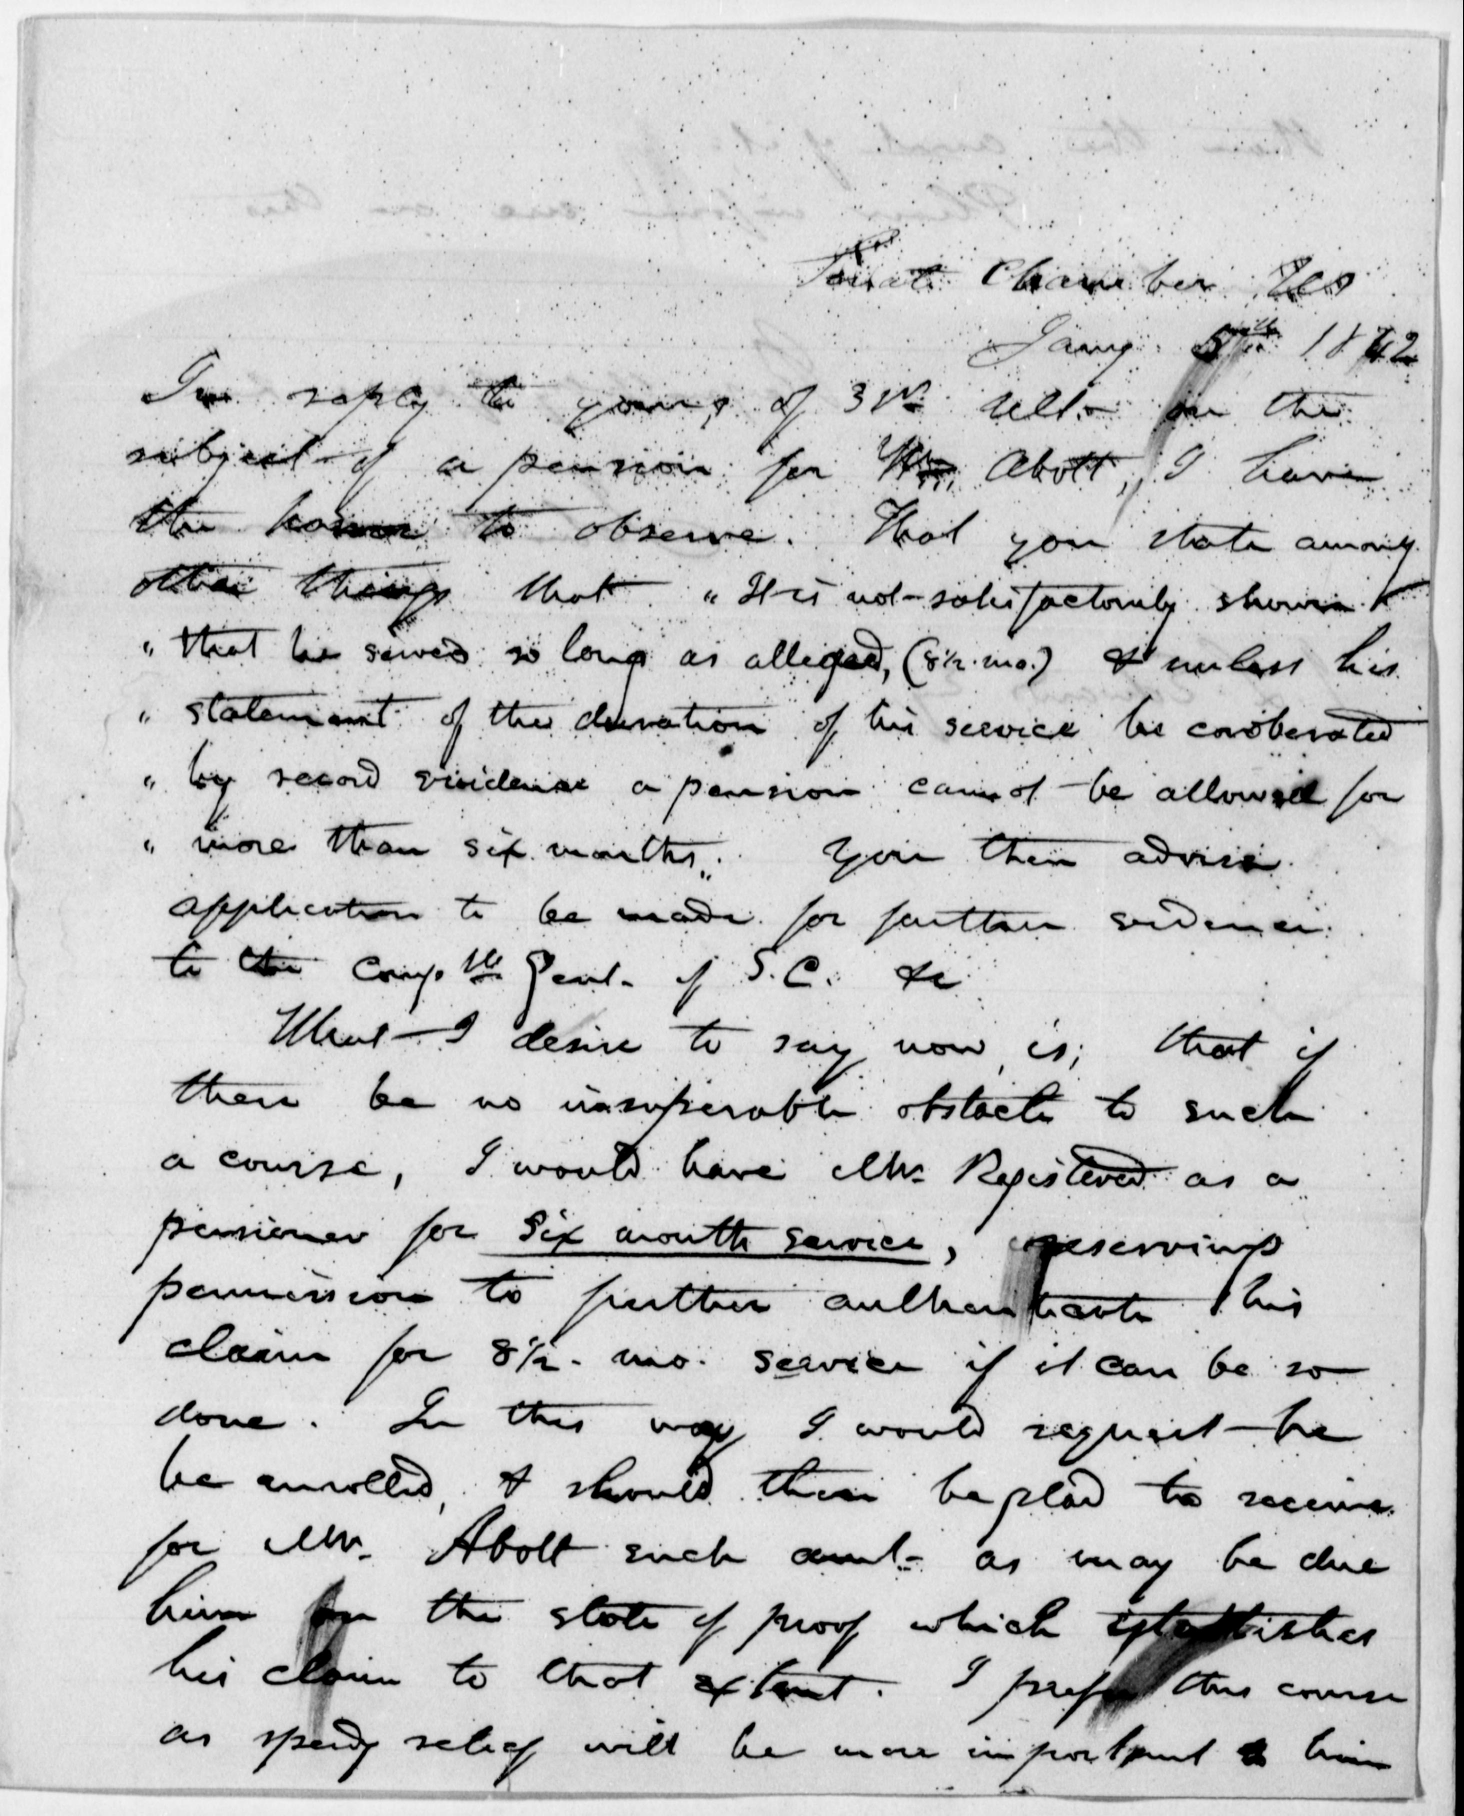Senate Chamber US
Jany. 5th 1842

In reply to yours of 3rd ult. in the subject of a pension for Wm. Abott, I have the honor to observe. That you state among other things that "It is not satisfactorily shown that he served as long as alleged, (8 1/2 mo.) & unless his statement of the duration of his service be coroberated by record evidence a pension cannot be allowed for more than six months." You then advise application to be made for further evidence to the Compll. Genl. of S.C. &c
What I desire to say now is; that if there be no insuperable obstacle to such a course, I would have Wm. Registered as a pensioner for six month service, reserving pensioners to further authenticate this claim for 8 1/2 mo. service if it can be so done. In this way I would request he be enrolled, & should then be glad to receive for Mr. Abott such amt. as may be due him by the state of proof which establishes his claim to that at least. I prefer the course as speed relief will be more important to him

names: Wm Abott, Abott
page: 33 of 38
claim: survivor's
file: S. 30. 239, William Abbott, S.C.